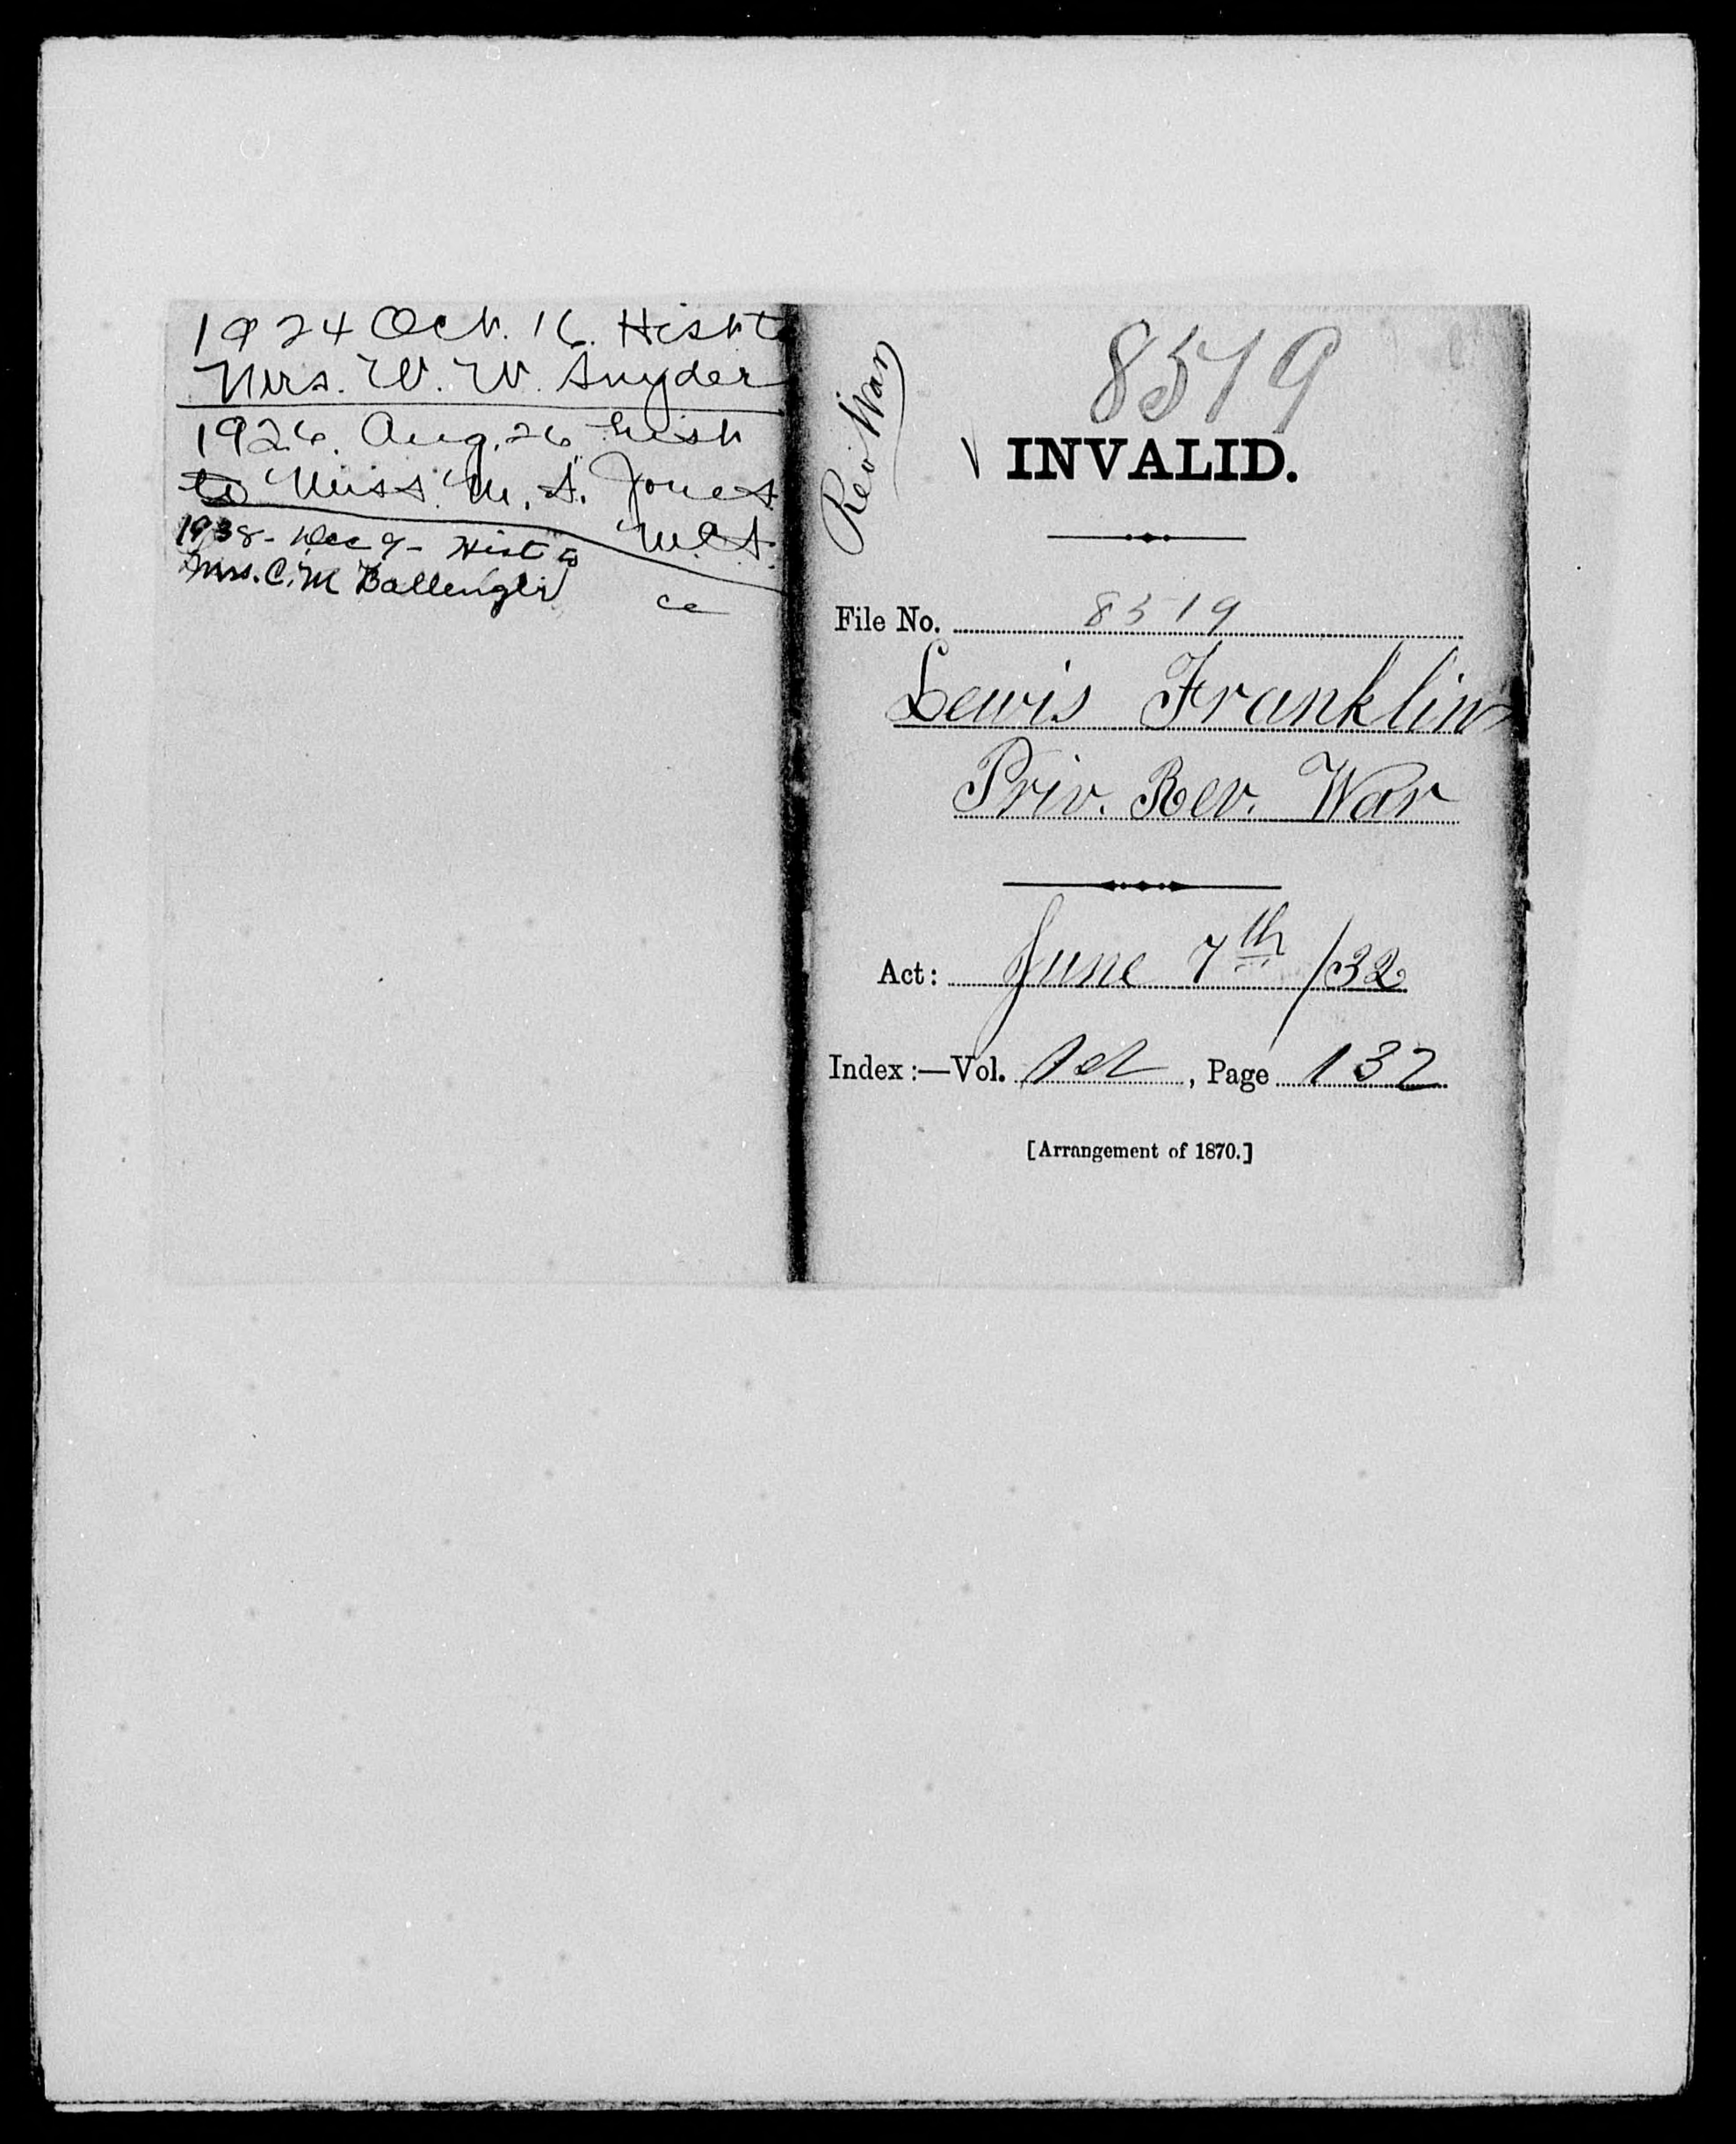1924 Oct. 16 Hist
Mrs. W. W. Snyder
1926 Aug. 26 his
to Miss M.D. Jones
- 1938 -Dec 9- Hist to
Mrs. C. M. Ballenger  ce
8379

INVALID.
File No. 8379
Lewis Franklin
Priv. Rev. War
Act: June 7th 32
Index:--Vol. (illegible)
, Page 132
Arrangement of 1870.]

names: M S Jones, W W Snyder, C M Ballenger, Lewis Franklin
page: 9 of 20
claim: survivor's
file: S. 8519, Lewis Franklin, N.C. Va.